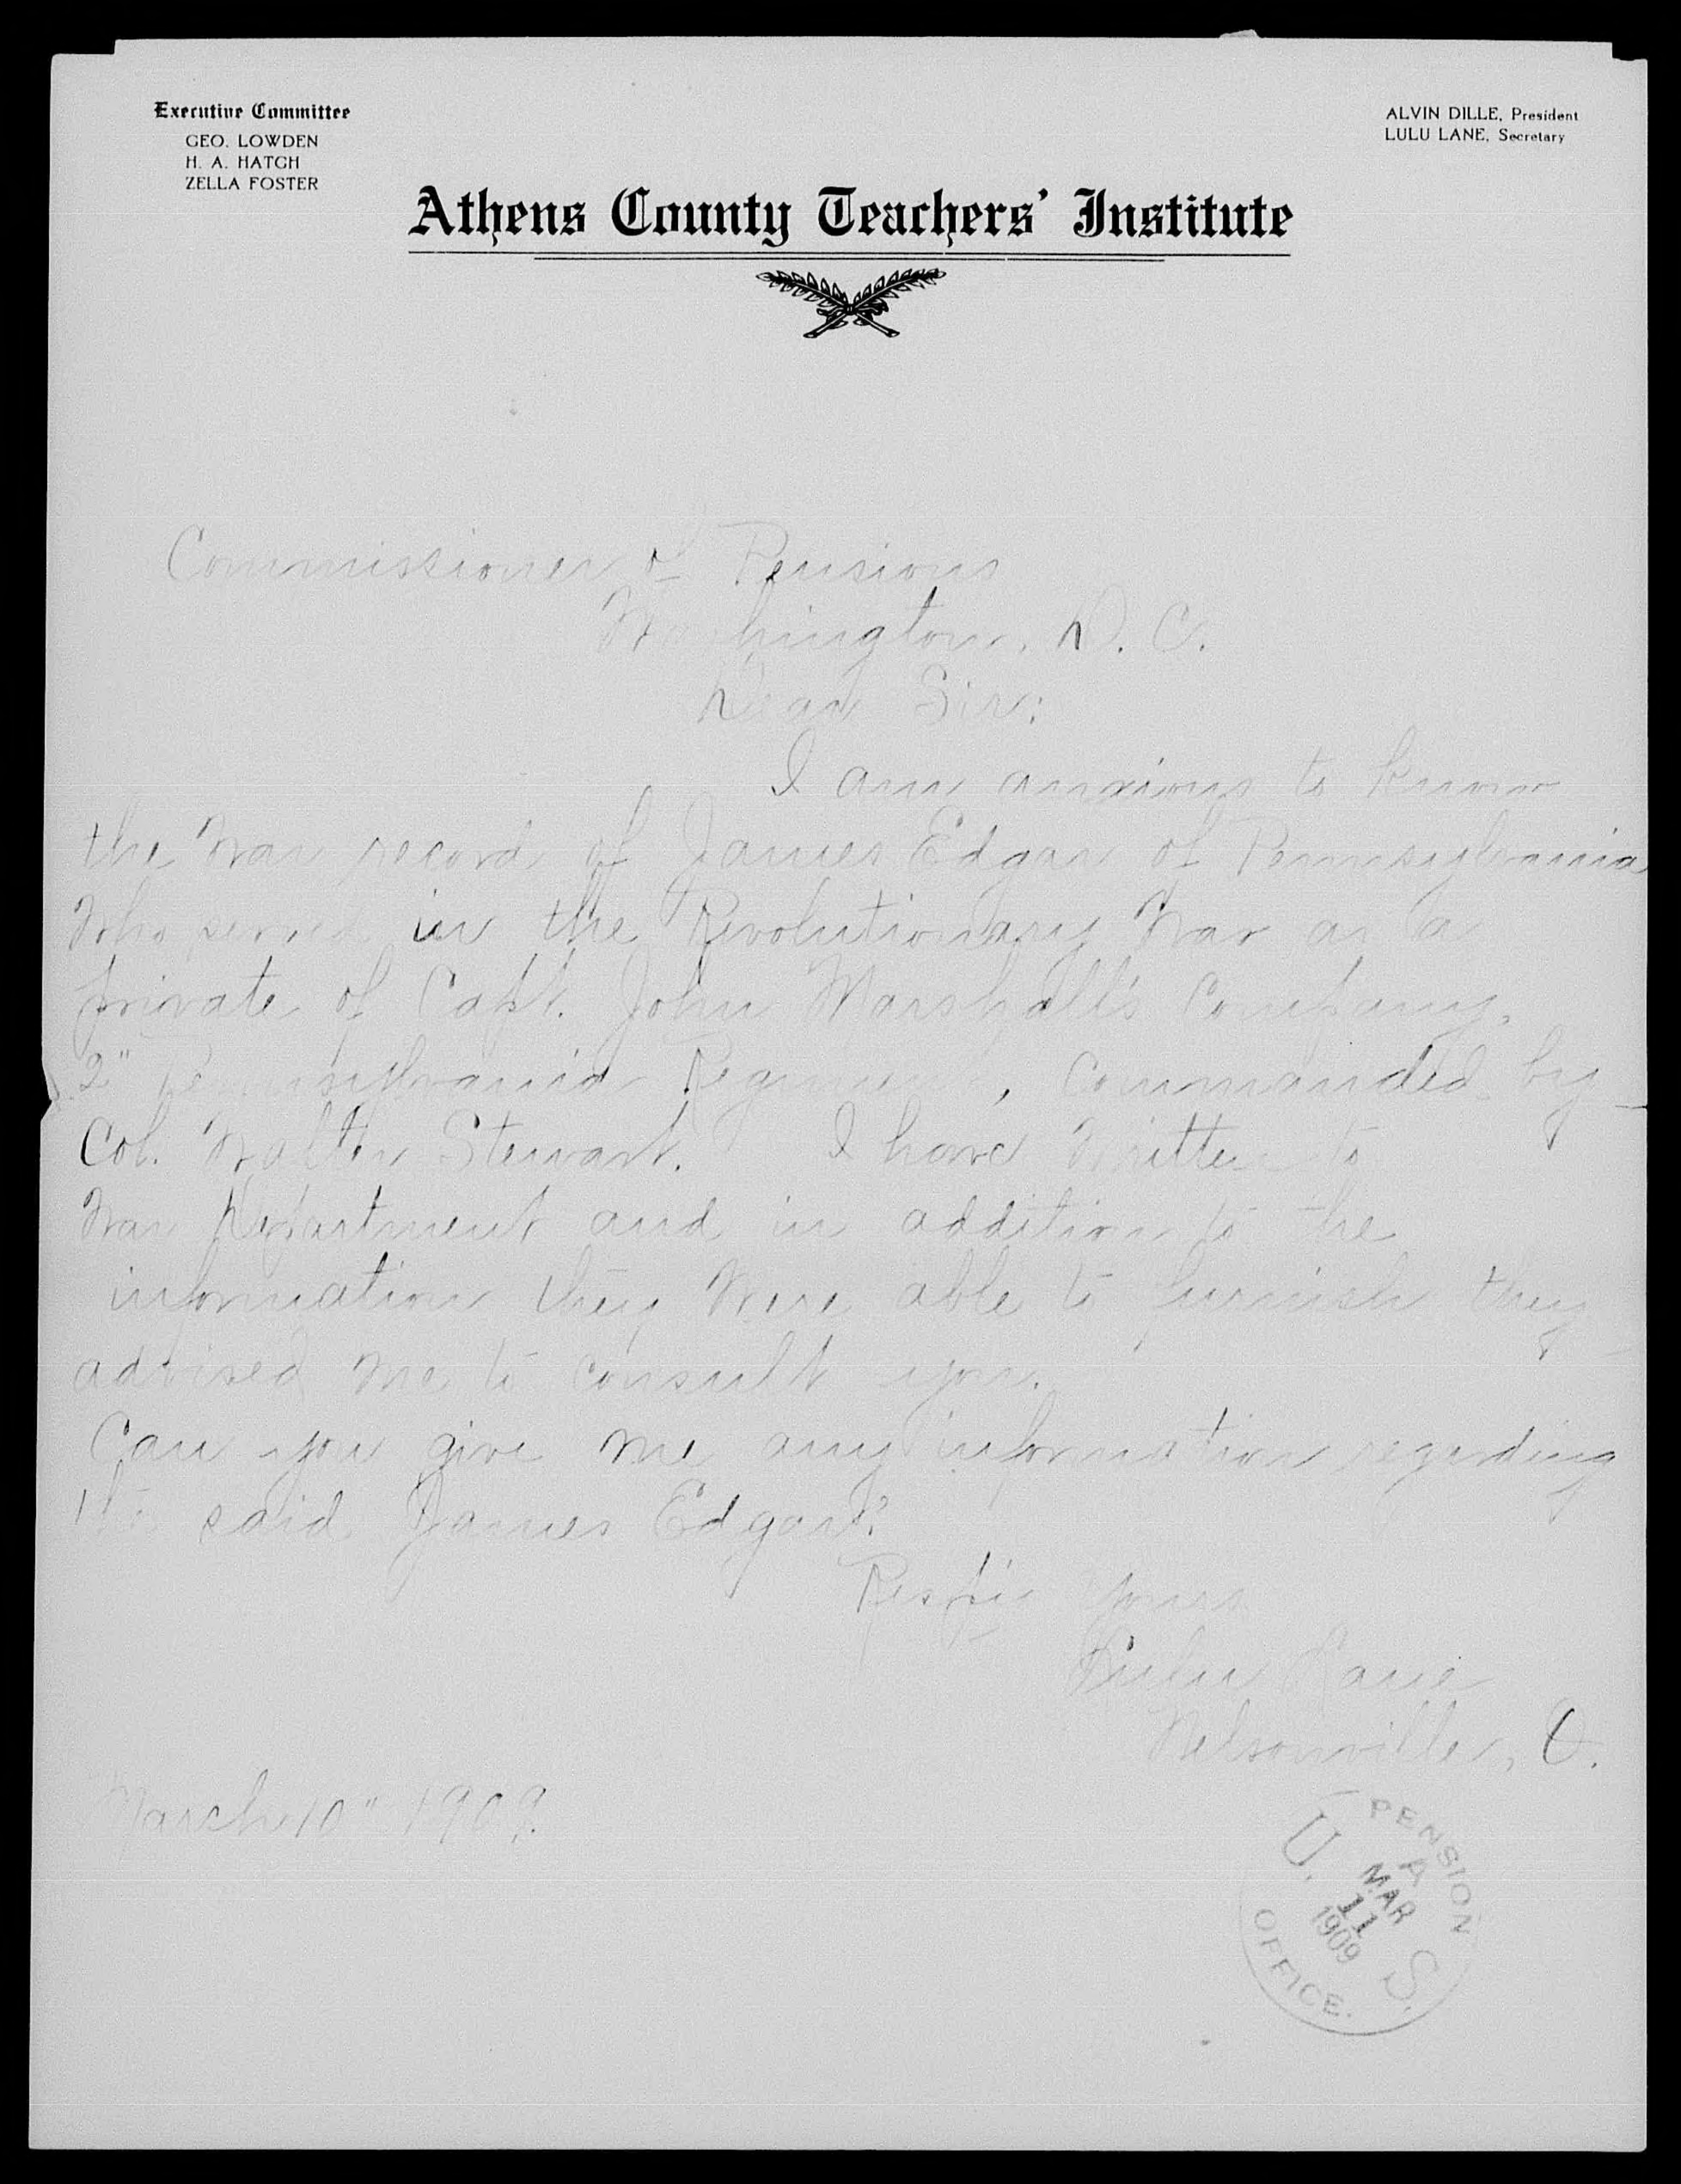Executive Committee
GEO. LOWDEN
H. A. HATCH
ZELLA FOSTER
Athene County Teachers Institute
ALVIN DILLE, President
LULU LANE, Secretary

Commissioner of Pensions
Washington, D.C.

Dear Sir:
I am anxious to know
War record of James Edgar of Pennsylvania
who served in the Revolutionary war as a
private of Capt. John Marshall's Company,
2 Pennsylvania Regiment,  commanded by
Col Walter Stewart.  I have written to
Department and in addition to the
information they were able to furnish they advised me to consult you.
Can give me any information residing
said James Edgar.

Respis. yours
Lulu Lane
Nelsonville, O.

March 10" 1909

Pension Office
USA
Mar 11 1909
.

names: Lulu Lane, James Edgar, Lulu Lane, Walter Stewart, Zella Foster, H A Hatch, James Edgar, Alvin Dille, Geo Lowden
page: 30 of 74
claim: widow's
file: W. 9422, James Edgar, Penn.